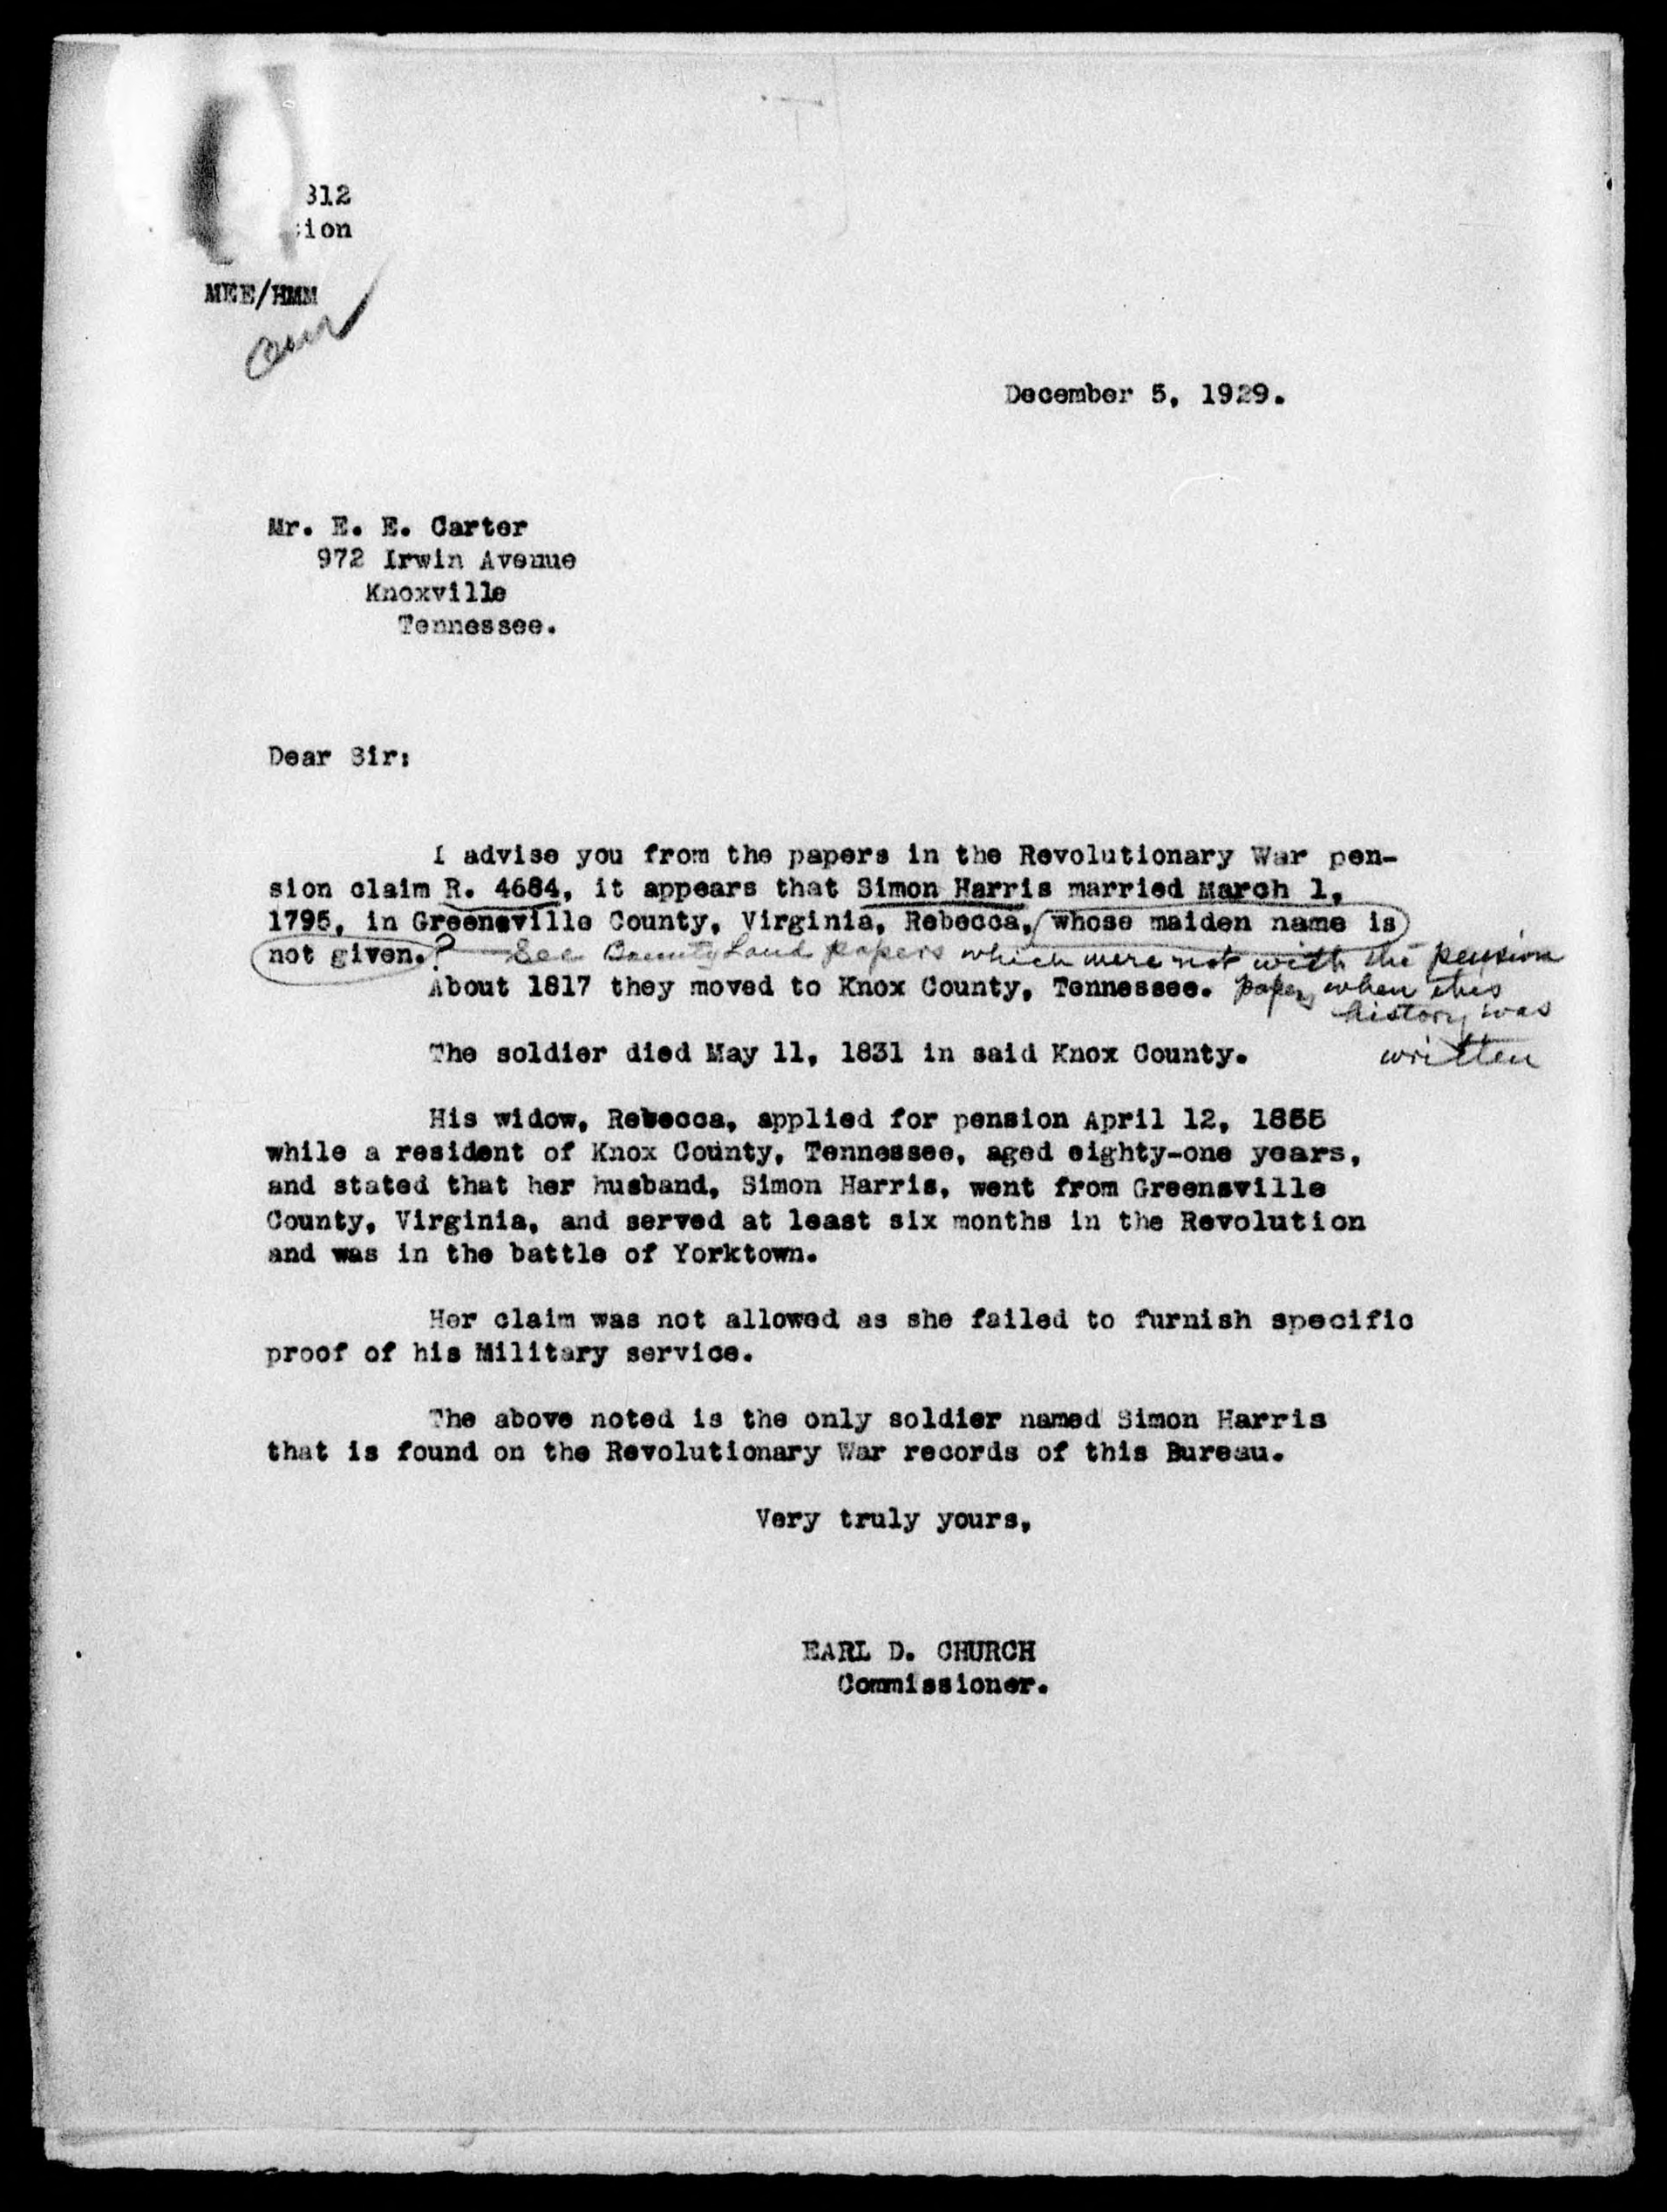(upper left corner of page torn and type obscured)
12
tion
MEE/HMM
CUR
 
December 5, 1929.

Mr. E. E. Carter
972 Irwin Avenue
Knoxville
Tennessee

Dear Sir;

I advise you from the papers in the Revolutionary War pension claim R. 4684, (underlined) it appears that Simon Harris (underlined) married March 1, 1796, in Greensville county, Virginia, Rebecca, whose maiden name is not given. ^? (circled) ^See County Land papers which were not with the pension papers when this history was written.

About 1817 they moved to Knox County, Tennessee.
The soldier died May 11, 1831 in said Knox County.

His widow, Rebecca, applied for pension April 12, 1855 while a resident of Knox County, Tennessee, aged eighty-one years, and stated that her husband, Simon Harris, went from Greensville County, Virginia, and served at least six months in the Revolution and was in the battle of Yorktown.

Her claim was not allowed as she failed to furnish specific proof of his Military service.

The above noted is the only soldier named Simon Harris that is found on the Revolutionary War records of this Bureau.

Very truly yours, 

Earl D. CHURCH
Commissioner.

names: Rebecca, Simon Harris, Earl D Church, Simon Harris, E E Carter, Simon Harris, Rebecca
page: 11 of 24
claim: rejected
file: R. 4684, Simon Harris, Va.